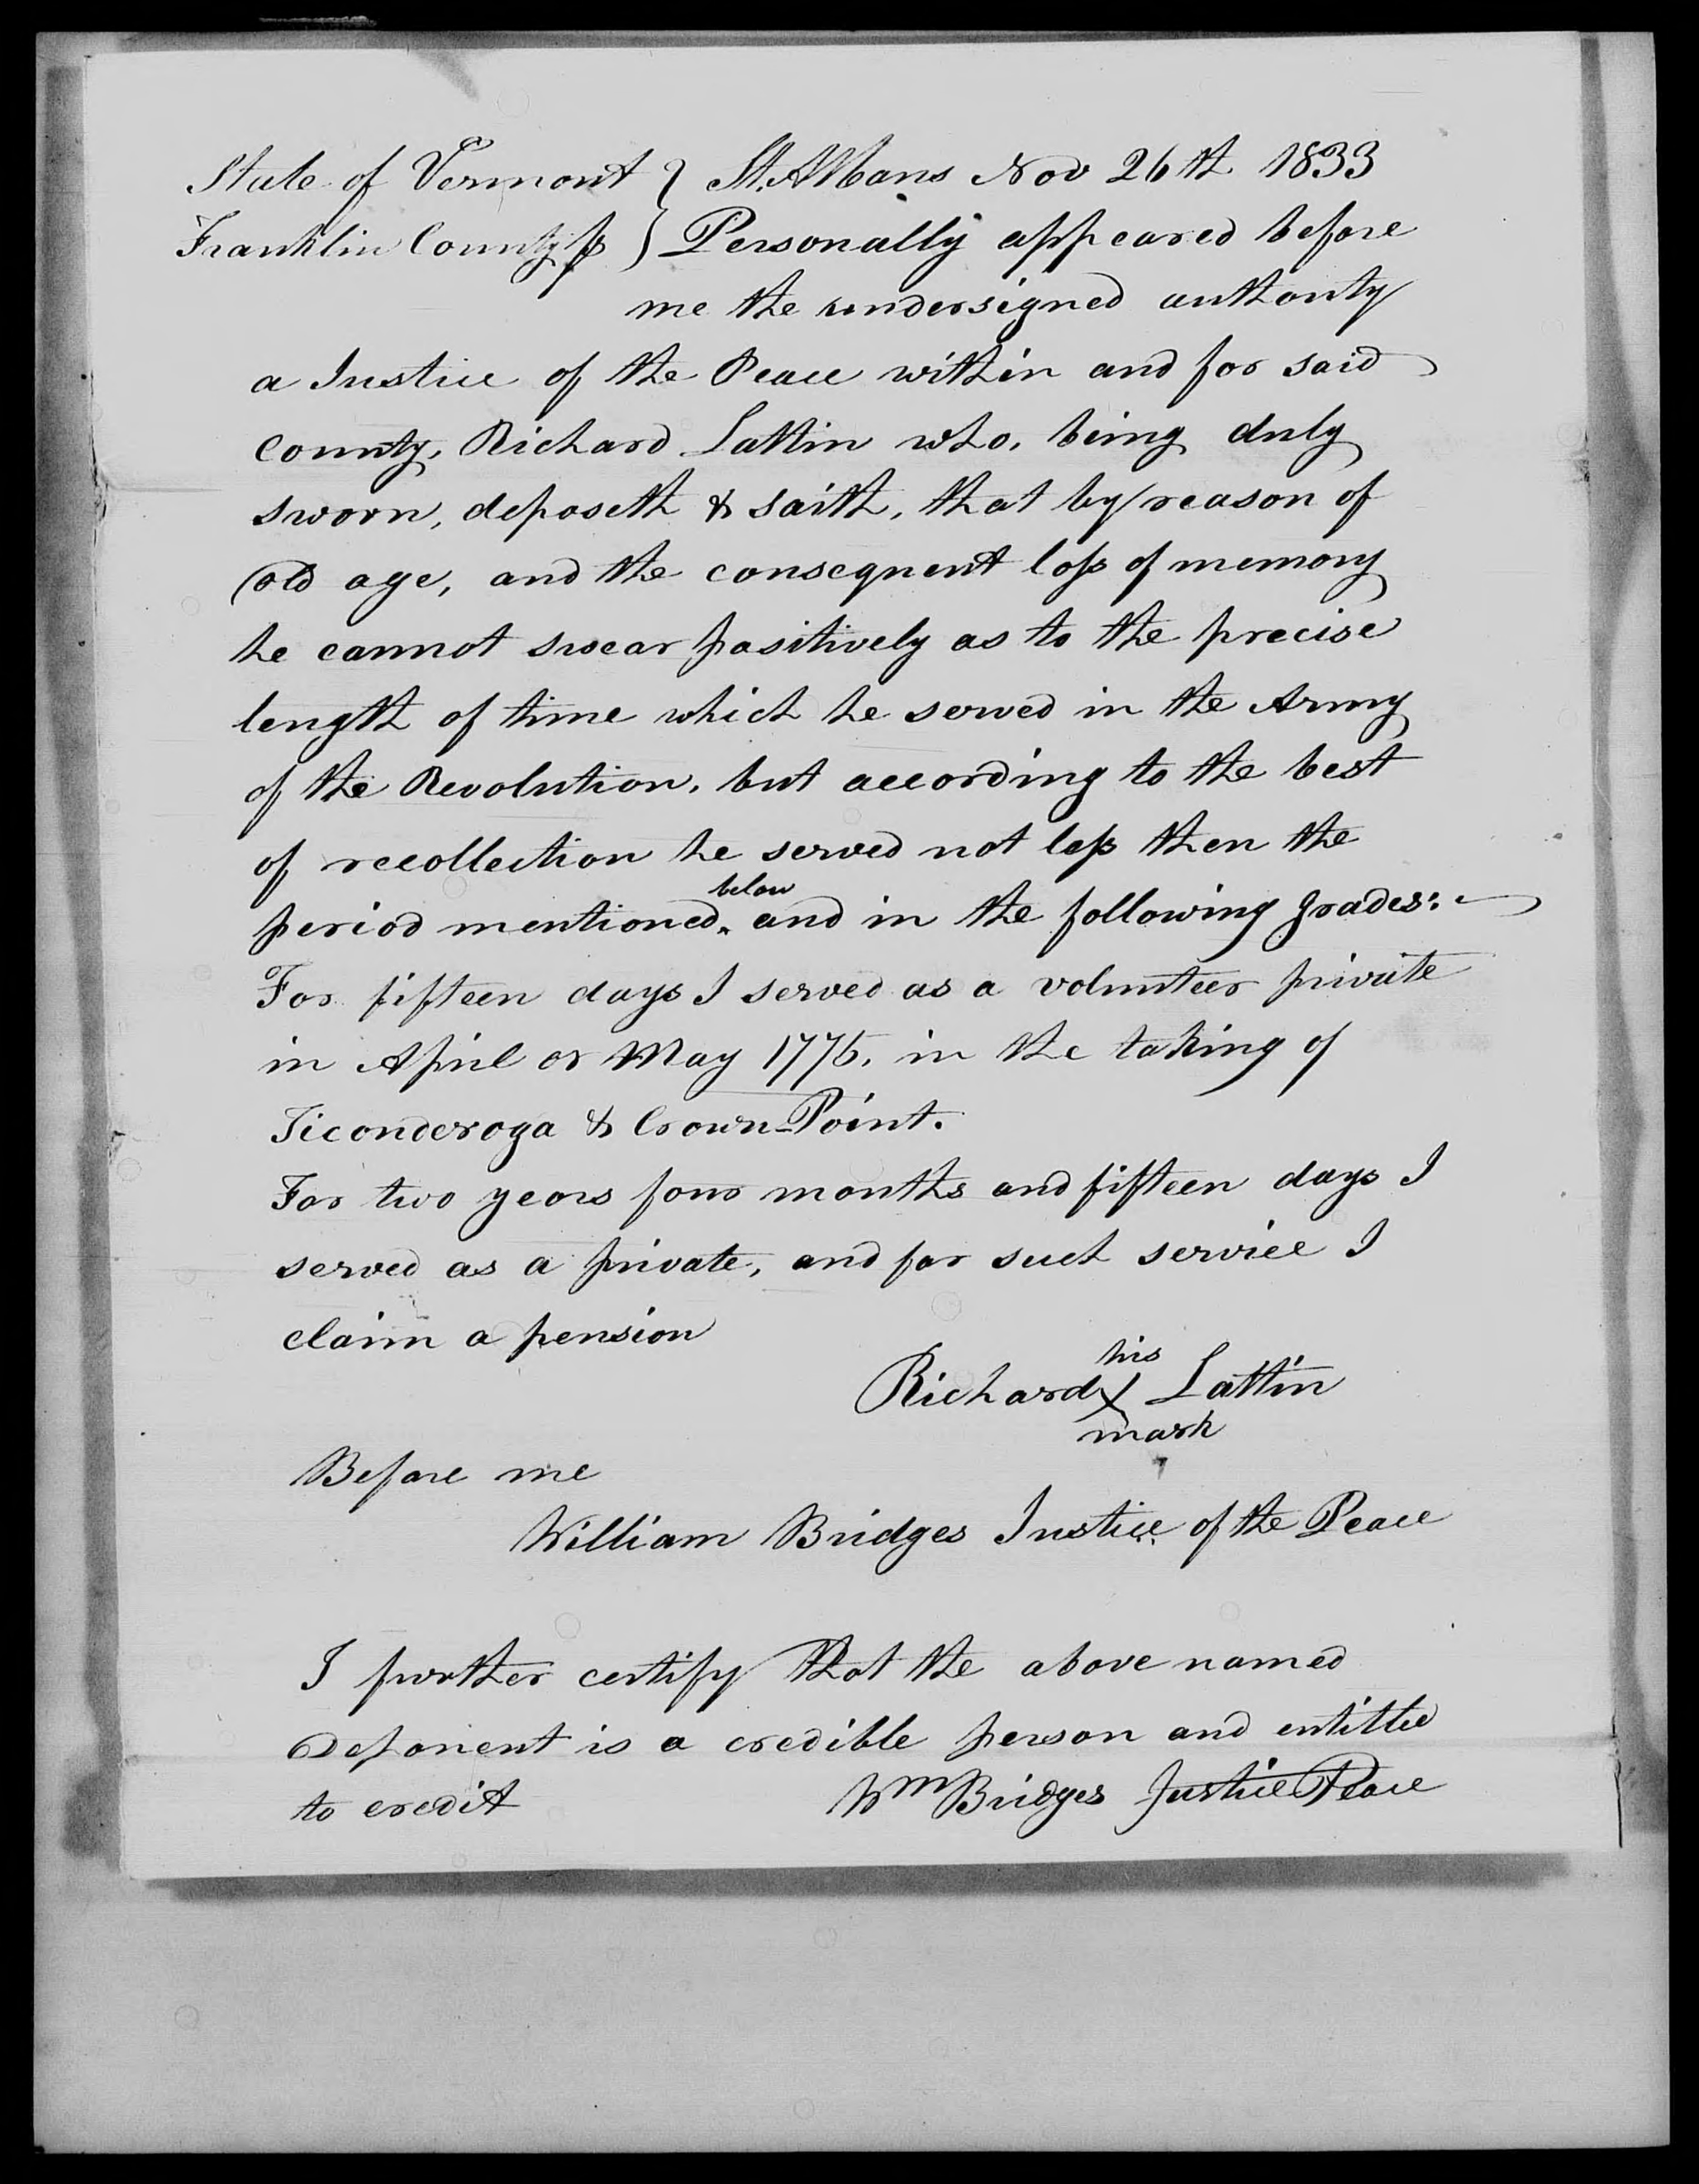State of Vermont Franklin County ss 
St. Albans Nov 26th 1833 Personally appeared
 before me the undersigned authority,
a Justice of the Peace within and for said
County, Richard Lattin who, being duly
sworn, deposeth & saith, that by reason of
old age, and the consequent loss of memory
he cannot swear positively as to the precise
length of time which he served in the Army
of the Revolution, but according to the best
of recollection he served not less then the
period mentioned below and in the following grades.
For fifteen days I served as a volunteer private
in April or May 1776, in the taking of
Ticonderoga & Crown Point.
For two years four months and fifteen days 
served as a private, and for such service 
claim a pension.
Richard Lattin his mark
Before me
William Bridges Justice of the Peace

I further certify that the above named
Deponent is a credible person and entitled
to credit
Wm Bridges Justice Peace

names: Richard Lattin; William Bridges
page: 34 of 99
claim: widow's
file: W. 24,482, for Richard Lattin, Vermont